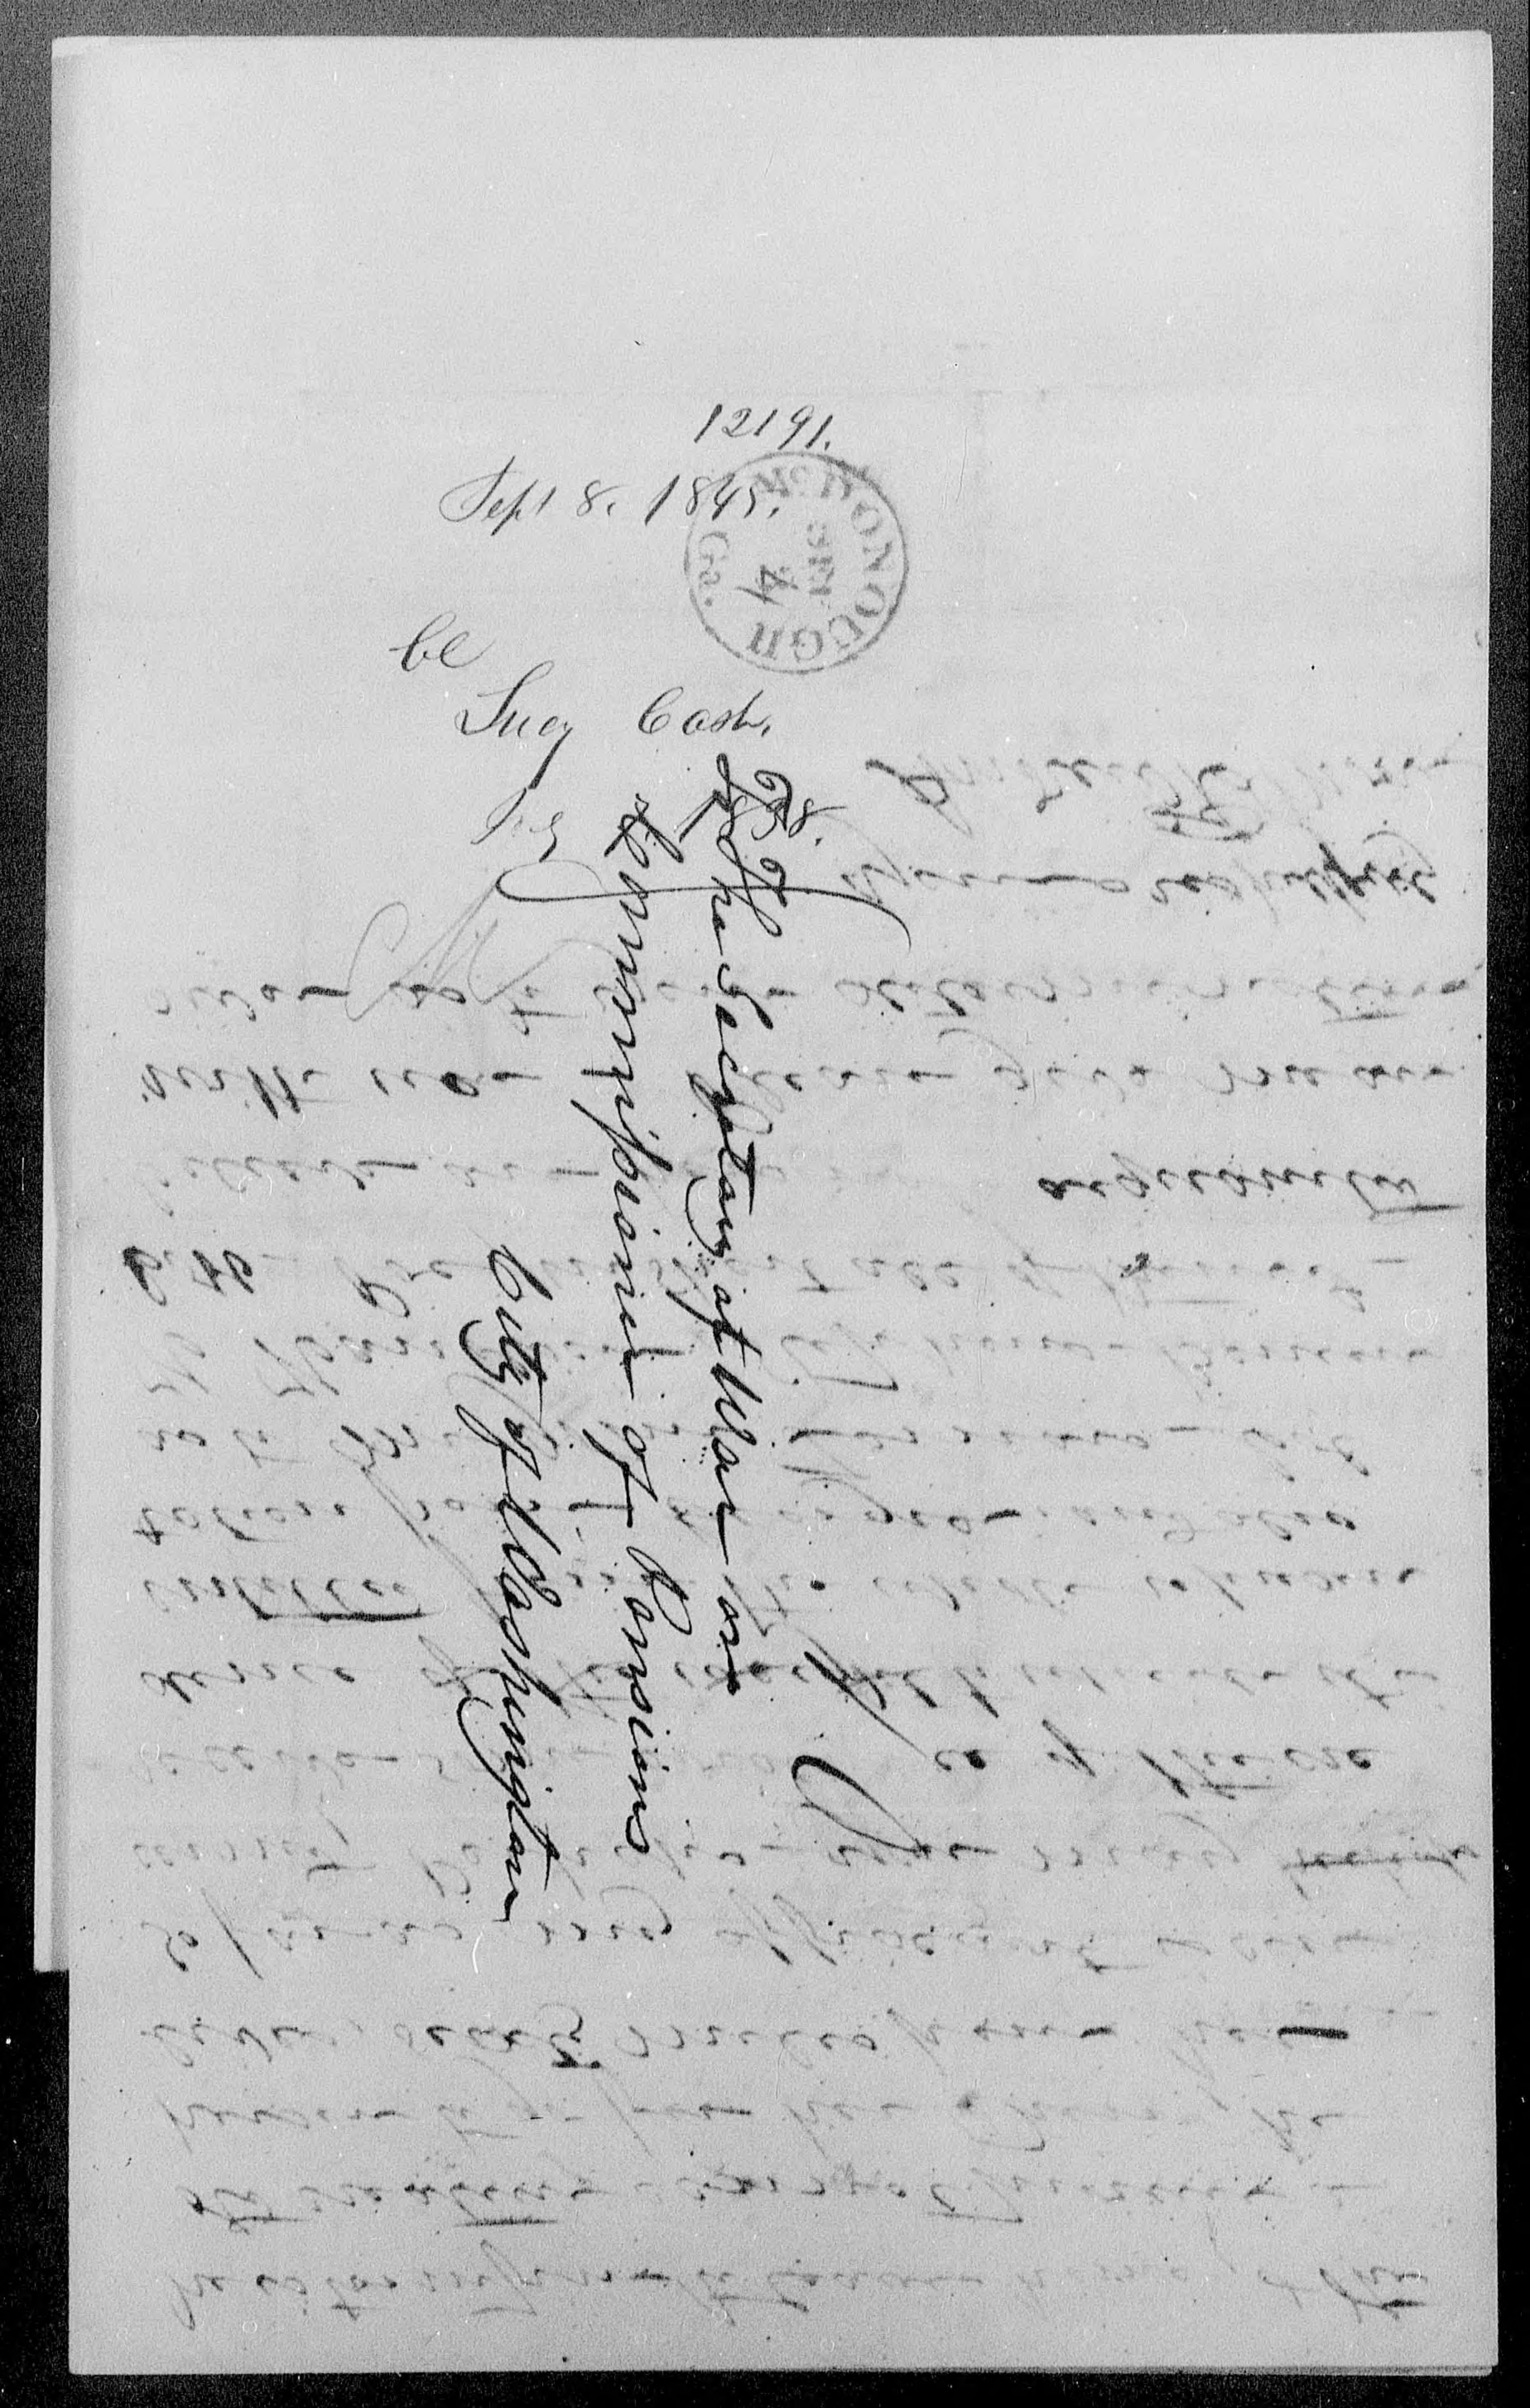12191.
Sept 8.

Lucy Cash

July
Commissioner of Pensions

City of Washington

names: Lucy Cash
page: 52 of 73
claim: widow's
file: W. 5,894, John Cash, Va.